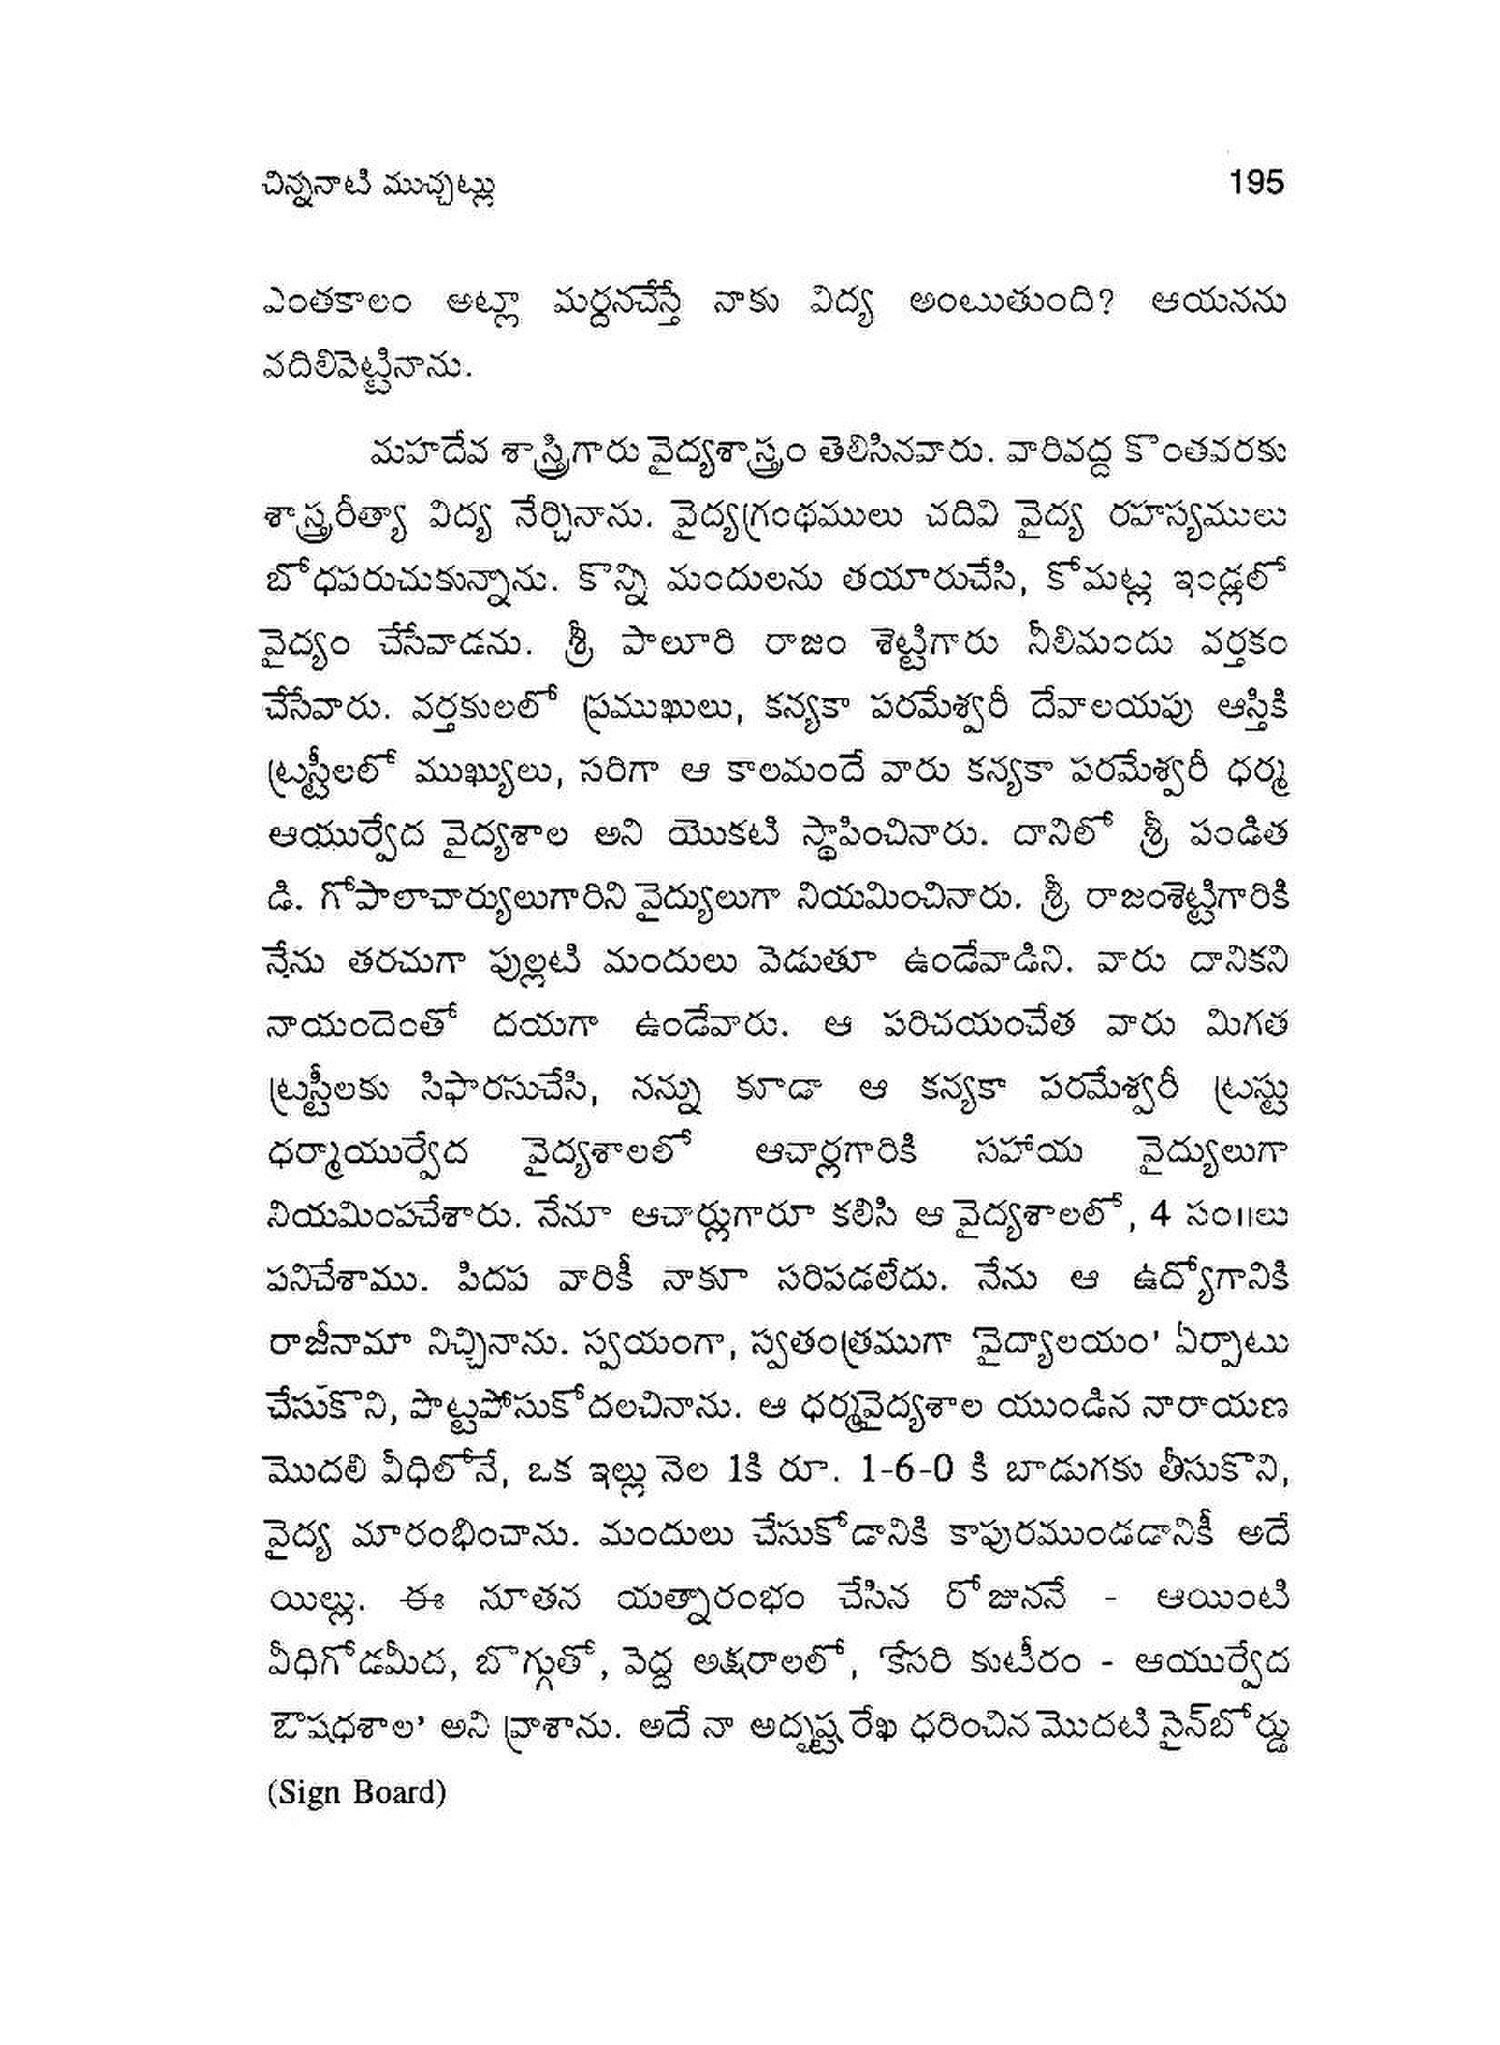ఎంతకాలం అట్లా మర్ధనచేస్తే నాకు విద్య అంటుతుంది? ఆయనను వదిలిపెట్టినాను.

మహదేవ శాస్త్రిగారు వైద్యశాస్త్రం తెలిసినవారు. వారివద్ద కొంతవరకు శాస్త్రరీత్యా విద్య నేర్చినాను. వైద్యగ్రంథములు చదివి వైద్య రహస్యములు బోధపరుచుకున్నాను. కొన్ని మందులను తయారుచేసి, కోమట్ల ఇండ్లలో వైద్యం చేసేవాడను. శ్రీ పాలూరి రాజం శెట్టిగారు నీలిమందు వర్తకం చేసేవారు. వర్తకులలో ప్రముఖులు, కన్యకా పరమేశ్వరీ దేవాలయపు ఆస్తికి ట్రస్టీలలో ముఖ్యులు, సరిగా ఆ కాలమందే వారు కన్యకా పరమేశ్వరీ ధర్మ ఆయుర్వేద వైద్యశాల అని యొకటి స్థాపించినారు. దానిలో శ్రీ పండిత డి. గోపాలాచార్యులు గారిని వైద్యులుగా నియమించినారు. శ్రీ రాజంశెట్టిగారికి నేను తరచుగా పుల్లటి మందులు పెడుతూ ఉండేవాడిని. వారు దానికని నాయందెంతో దయగా ఉండేవారు. ఆ పరిచయంచేత వారు మిగత ట్రస్టీలకు సిఫారసుచేసి, నన్ను కూడా ఆ కన్యకా పరమేశ్వరీ ట్రస్టు ధర్మాయుర్వేద వైద్యశాలలో ఆచార్లగారికి సహాయ వైద్యులుగా నియమింపచేశారు. నేనూ ఆచార్లు గారూ కలిసి ఆ వైద్యశాలలో, 4 సం||లు పనిచేశాము. పిదప వారికీ నాకూ సరిపడలేదు. నేను ఆ ఉద్యోగానికి రాజీనామా నిచ్చినాను. స్వయంగా, స్వతంత్రముగా 'వైద్యాలయం' ఏర్పాటు చేసుకొని, పొట్టపోసుకోదలచినాను. ఆ ధర్మవైద్యశాల యుండిన నారాయణ మొదలి వీధిలోనే, ఒక ఇల్లు నెల 1కి రూ. 1-6-0 కి బాడుగకు తీసుకొని, వైద్య మారంభించాను. మందులు చేసుకోడానికి కాపురముండడానికీ అదే యిల్లు. ఈ నూతన యత్నారంభం చేసిన రోజుననే - ఆయింటి వీధిగోడమీద, బొగ్గుతో, పెద్ద అక్షరాలలో, 'కేసరి కుటీరం - ఆయుర్వేద ఔషధశాల' అని వ్రాశాను. అదే నా అదృష్ట రేఖ ధరించిన మొదటి సైన్ బోర్డు (Sign Board)